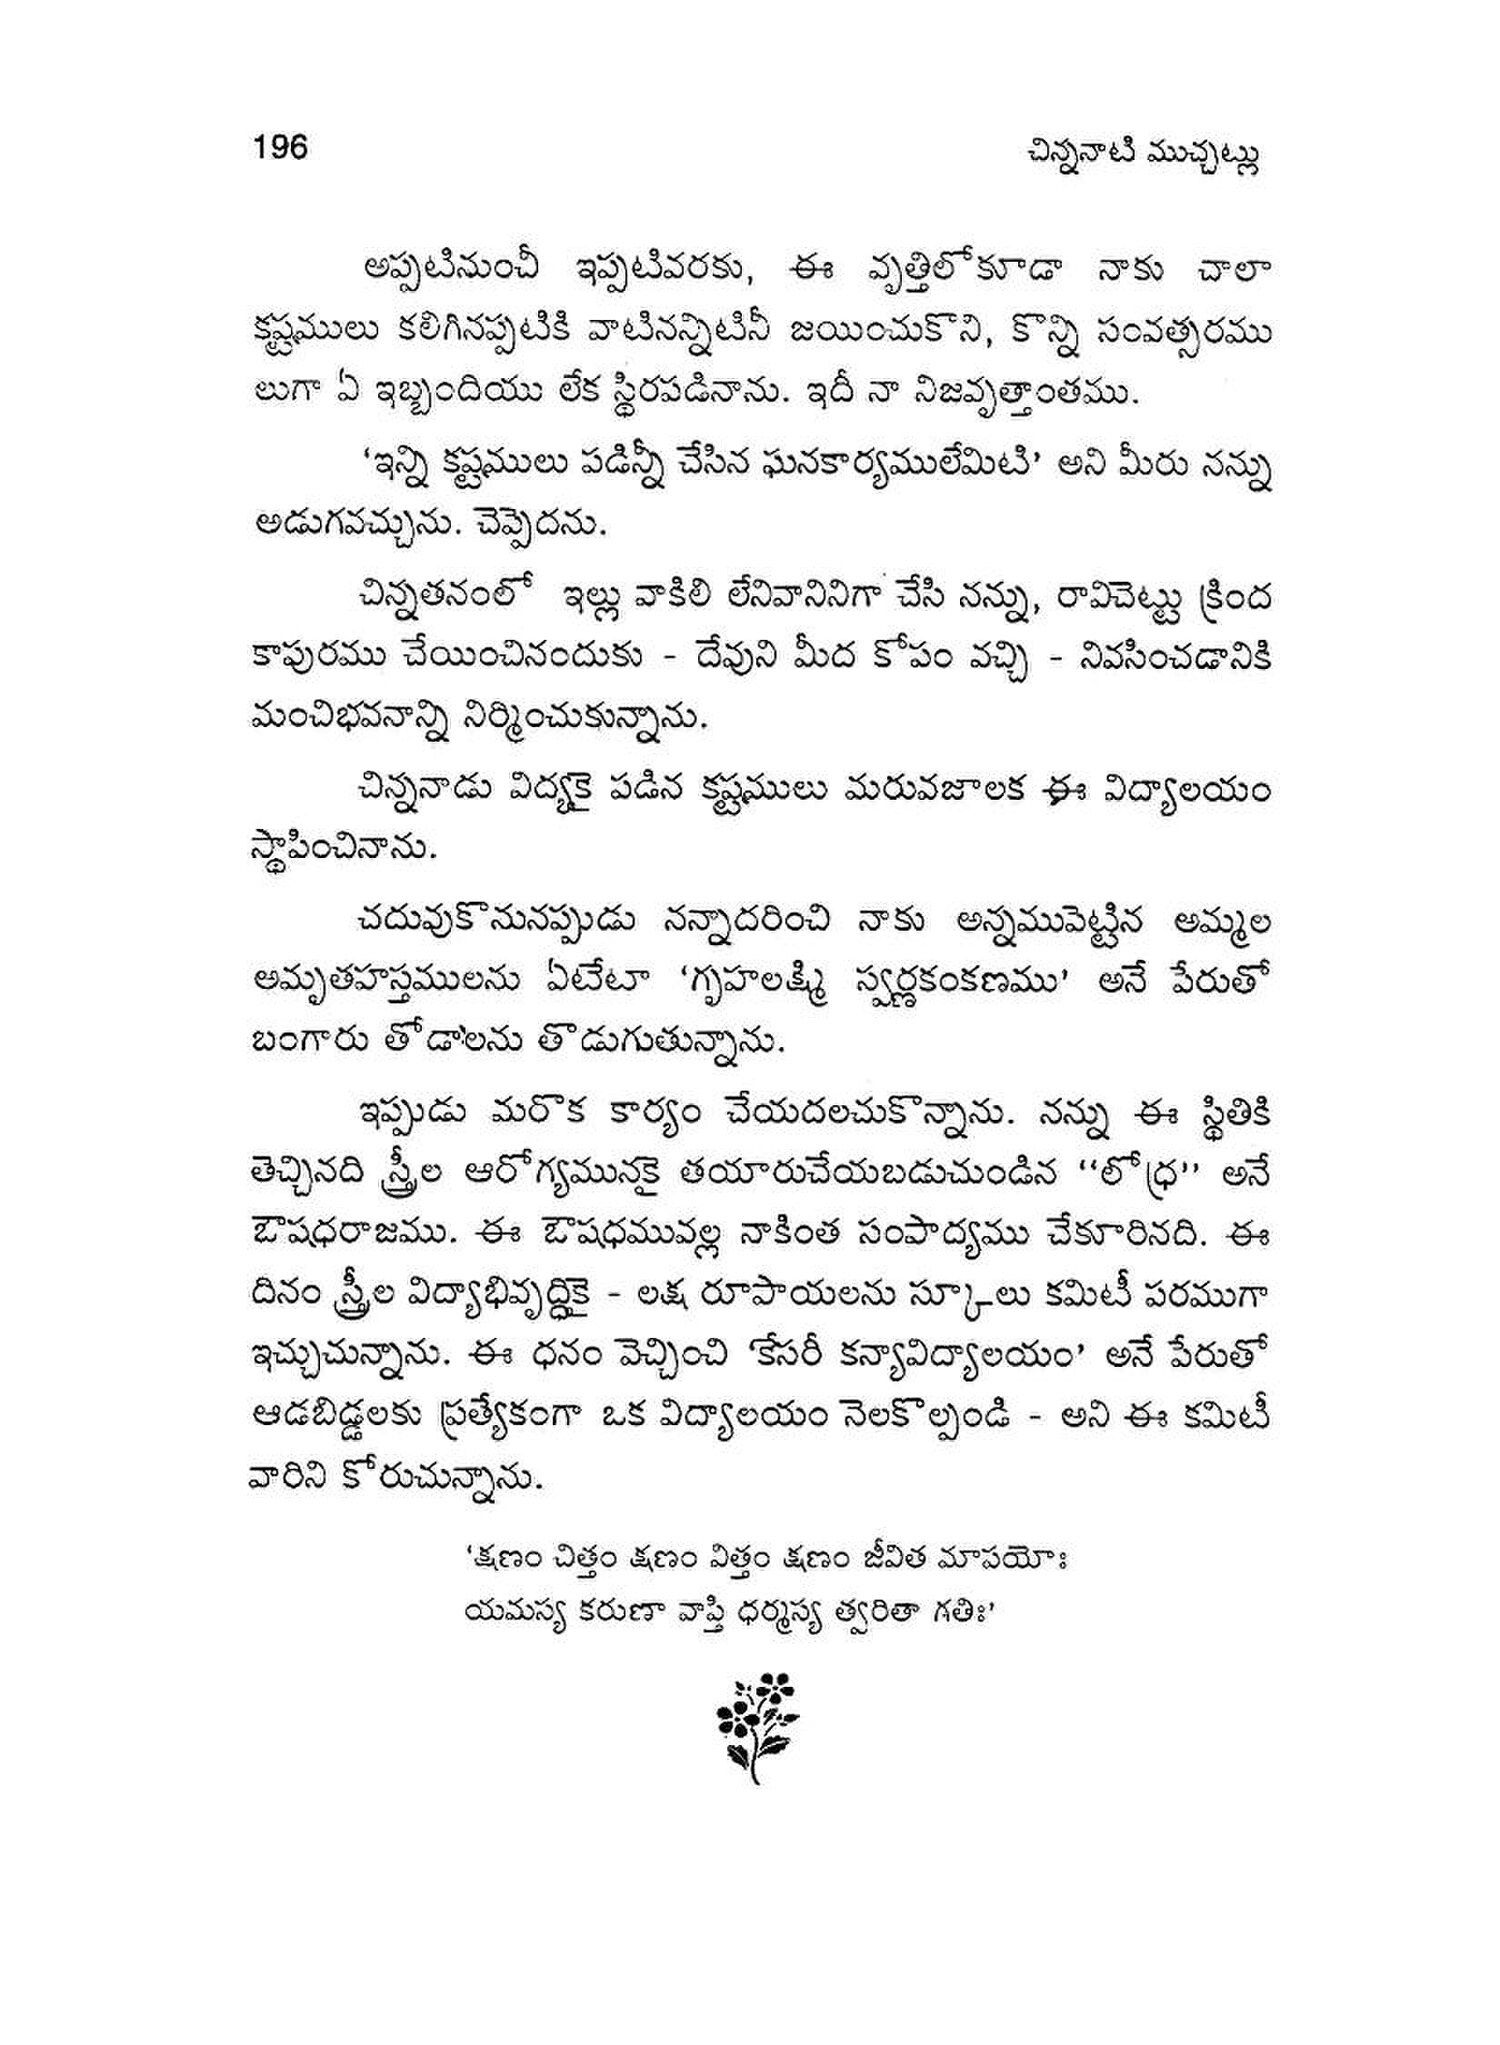అప్పటినుంచీ ఇప్పటివరకు, ఈ వృత్తిలో కూడా నాకు చాలా కష్టములు కలిగినప్పటికి వాటినన్నిటినీ జయించుకొని, కొన్ని సంవత్సరములుగా ఏ ఇబ్బందియు లేక స్థిరపడినాను. ఇదీ నా నిజవృత్తాంతము.

'ఇన్ని కష్టములు పడిన్నీ చేసిన ఘనకార్యములేమిటి' అని మీరు నన్ను అడుగవచ్చును. చెప్పెదను.

చిన్నతనంలో ఇల్లు వాకిలి లేనివానినిగా చేసి నన్ను, రావిచెట్టు క్రింద కాపురము చేయించినందుకు - దేవుని మీద కోపం వచ్చి - నివసించడానికి మంచిభవనాన్ని నిర్మించుకున్నాను. 

చిన్ననాడు విద్యకై పడిన కష్టములు మరువజాలక ఈ విద్యాలయం స్థాపించినాను. 

చదువుకొనునప్పుడు నన్నాదరించి నాకు అన్నముపెట్టిన అమ్మల అమృతహస్తములను ఏటేటా 'గృహలక్ష్మి స్వర్ణకంకణము" అనే పేరుతో బంగారు తోడాలను తొడుగుతున్నాను. 

ఇప్పడు మరొక కార్యం చేయదలచుకొన్నాను. నన్ను ఈ స్థితికి తెచ్చినది స్త్రీల ఆరోగ్యమునకై తయారుచేయబడుచుండిన 'లోధ్ర' అనే ఔషధరాజము. ఈ ఔషధమువల్ల నాకింత సంపాద్యము చేకూరినది. ఈ దినం స్త్రీల విద్యాభివృద్ధికై - లక్ష రూపాయలను స్కూలు కమిటీ పరముగా ఇచ్చుచున్నాను. ఈ ధనం వెచ్చించి "కేసరీ కన్యావిద్యాలయం" అనే పేరుతో ఆడబిడ్డలకు ప్రత్యేకంగా ఒక విద్యాలయం నెలకొల్పండి - అని ఈ కమిటీ వారిని కోరుచున్నాను.